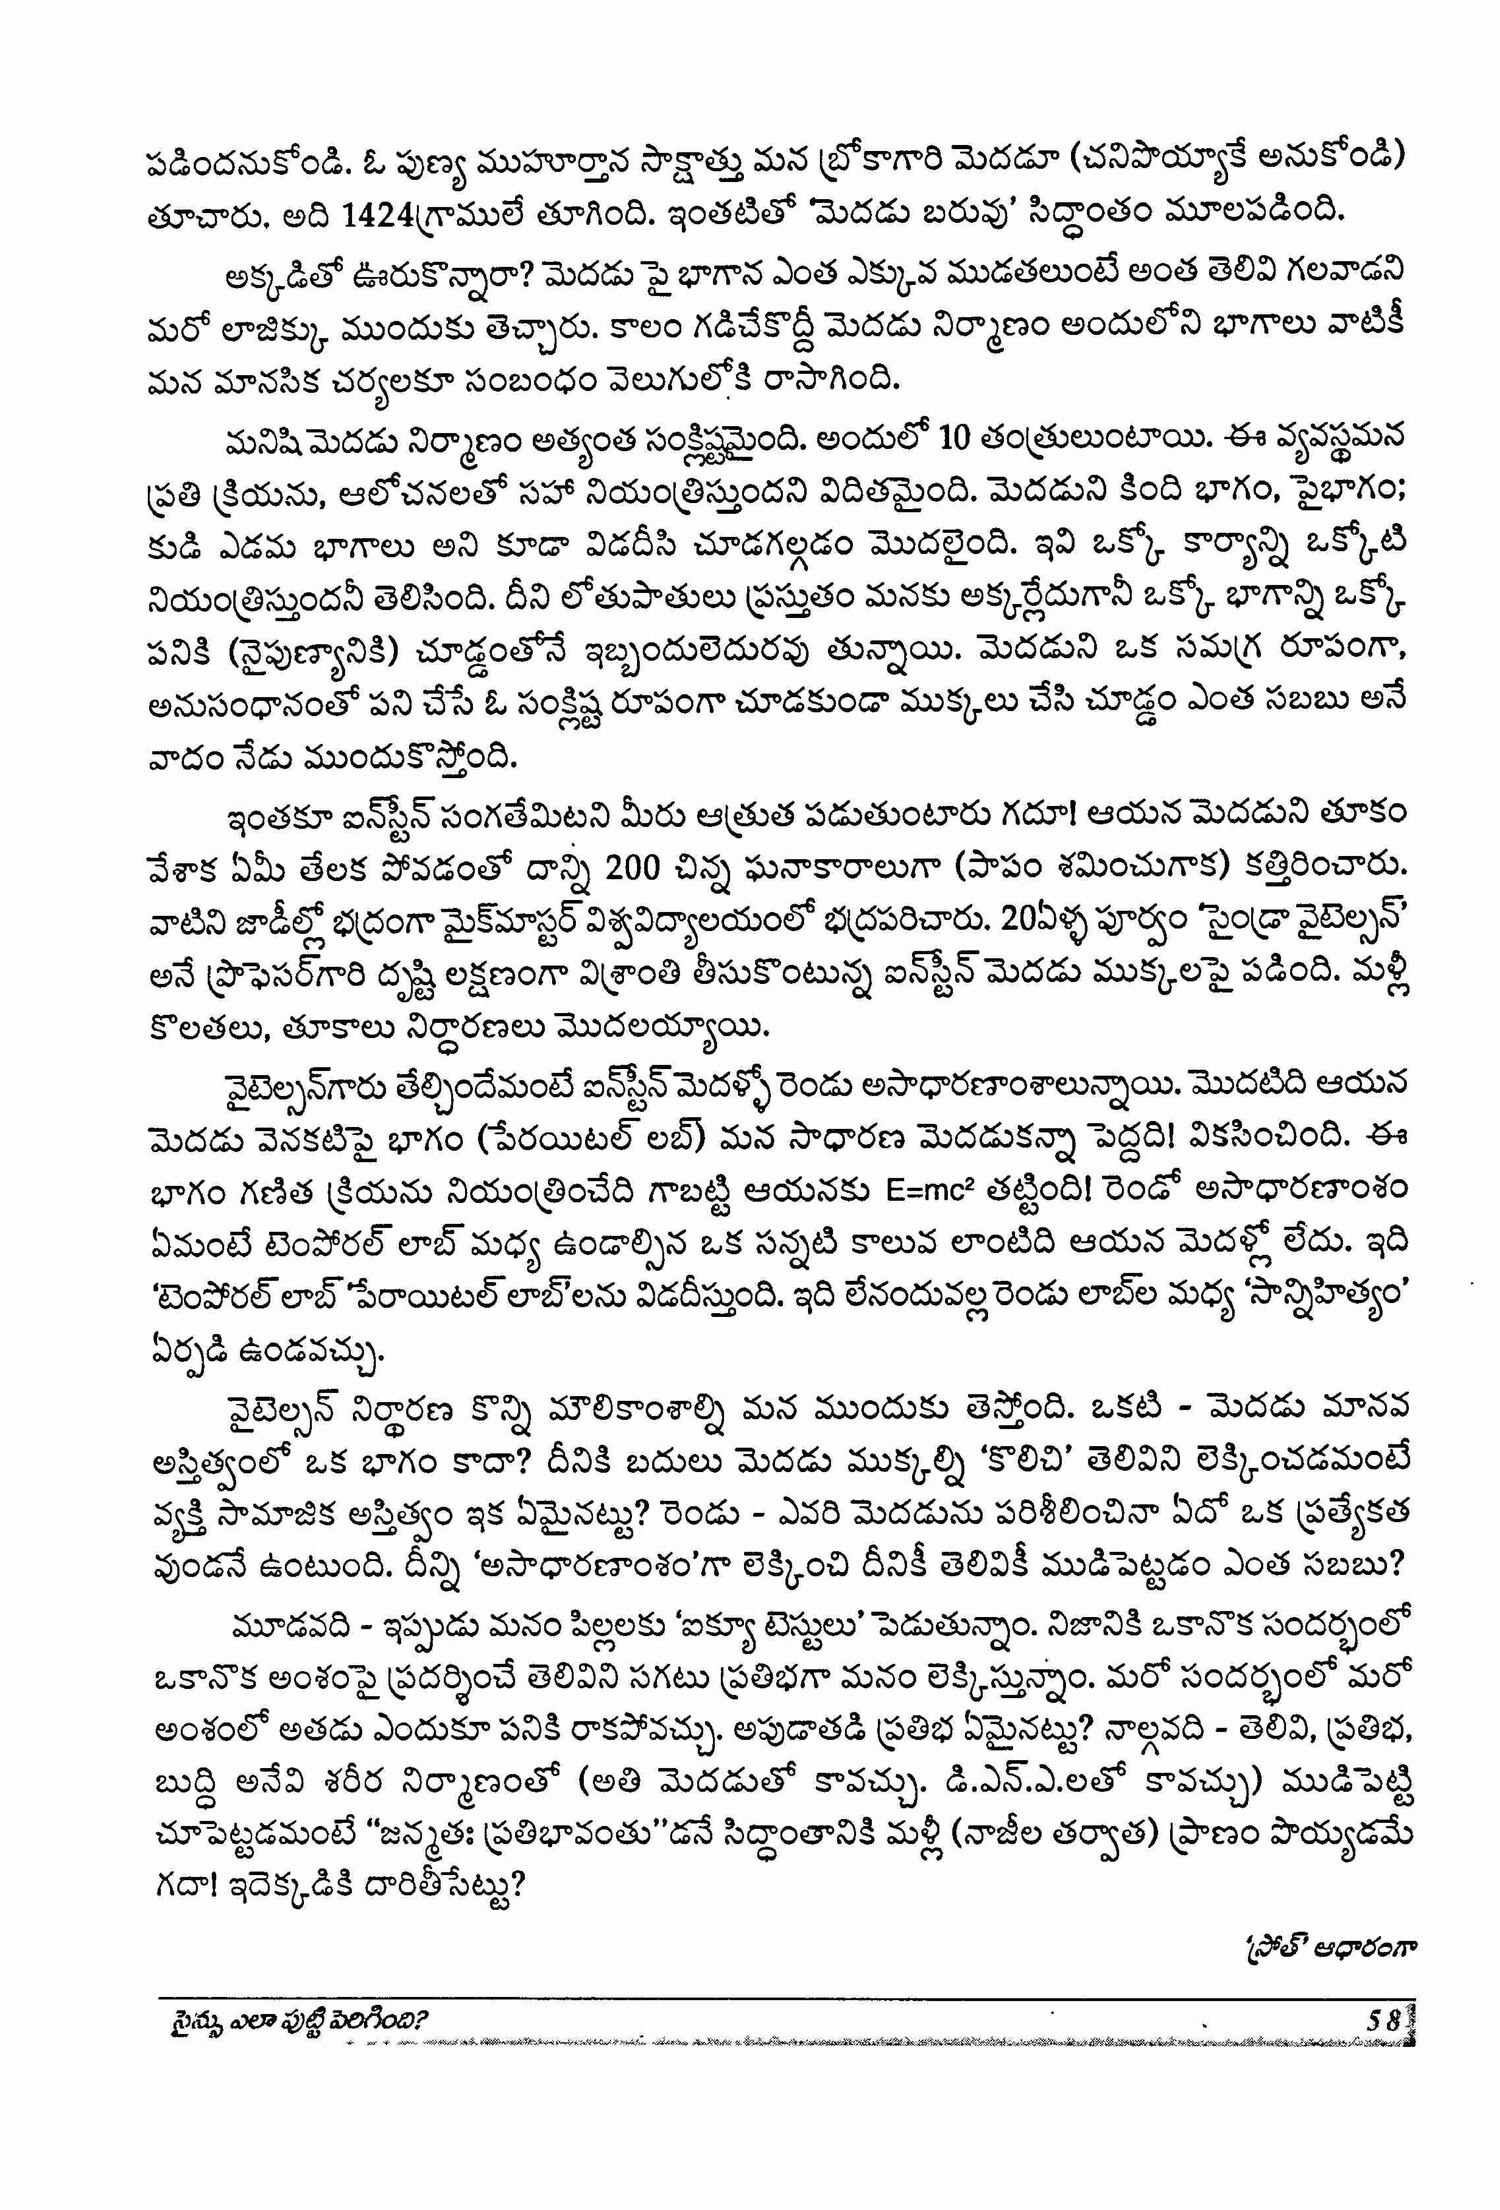పడిందనుకోండి. ఓ పుణ్య ముహూర్తాన సాక్షాత్తు మన బ్రోకాగారి మెదడూ (చనిపొయ్యాకే అనుకోండి) తూచారు. అది 1424గ్రాములే తూగింది. ఇంతటితో మెదడు బరువు' సిద్ధాంతం మూలపడింది.

అక్కడితో ఊరుకొన్నారా? మెదడు పై భాగాన ఎంత ఎక్కువ ముడతలుంటే అంత తెలివి గలవాడని మరో లాజిక్కు ముందుకు తెచ్చారు. కాలం గడిచేకొద్దీ మెదడు నిర్మాణం అందులోని భాగాలు వాటికీ మన మానసిక చర్యలకూ సంబంధం వెలుగులోకి రాసాగింది.

మనిషి మెదడు నిర్మాణం అత్యంత సంక్లిష్టమైంది. అందులో 10 తంత్రులుంటాయి. ఈ వ్యవస్థమున ప్రతి క్రియను, ఆలోచనలతో సహా నియంత్రిస్తుందని విదితమైంది. మెదడుని కింది భాగం, పైభాగం; కుడి ఎడమ భాగాలు అని కూడా విడదీసి చూడగల్గడం మొదలైంది. ఇవి ఒక్కో కార్యాన్ని ఒక్కోటి నియంత్రిస్తుందనీ తెలిసింది. దీని లోతుపాతులు ప్రస్తుతం మనకు అక్కర్లేదుగానీ ఒక్కో భాగాన్ని ఒక్కో పనికి (నైపుణ్యానికి) చూడ్డంతోనే ఇబ్బందులెదురవు తున్నాయి. మెదడుని ఒక సమగ్ర రూపంగా, అనుసంధానంతో పని చేసే ఓ సంక్లిష్ట రూపంగా చూడకుండా ముక్కలు చేసి చూడ్డం ఎంత సబబు అనే వాదం నేడు ముందుకొస్తోంది.

ఇంతకూ ఐన్‌స్టీన్ సంగతేమిటని మీరు ఆత్రుత పడుతుంటారు గదూ! ఆయన మెదడుని తూకం వేశాక ఏమీ తేలక పోవడంతో దాన్ని 200 చిన్న ఘనాకారాలుగా (పాపం శమించుగాక) కత్తిరించారు. వాటిని జాడీల్లో భద్రంగా మైక్‌మాస్టర్ విశ్వవిద్యాలయంలో భద్రపరిచారు. 20ఏళ్ళ పూర్వం 'సైండ్రా వైటెల్సన్ అనే ప్రొఫెసర్ గారి దృష్టి లక్షణంగా విశ్రాంతి తీసుకొంటున్న ఐన్‌స్టీన్ మెదడు ముక్కలపై పడింది. మళ్లీ కొలతలు, తూకాలు నిర్ధారణలు మొదలయ్యాయి.

వైటెల్సన్‌గారు తేల్చిందేమంటే ఐన్‌స్టీన్ మెదళ్ళో రెండు అసాధారణాంశాలున్నాయి. మొదటిది ఆయన మెదడు వెనకటిపై భాగం (పేరయిటల్ లబ్) మన సాధారణ మెదడుకన్నా పెద్దది! వికసించింది. ఈ భాగం గణిత క్రియను నియంత్రించేది గాబట్టి ఆయనకు E=mc2 తట్టింది! రెండో అసాధారణాంశం ఏమంటే టెంపోరల్ లాబ్ మధ్య ఉండాల్సిన ఒక సన్నటి కాలువ లాంటిది ఆయన మెదళ్లో లేదు. ఇది 'టెంపోరల్ లాబ్ 'పేరాయిటల్ లాబ్' లను విడదీస్తుంది. ఇది లేనందువల్ల రెండు లాబ్‌ల మధ్య 'సాన్నిహిత్యం' ఏర్పడి ఉండవచ్చు.

వైటెల్సన్ నిర్థారణ కొన్ని మౌలికాంశాల్ని మన ముందుకు తెస్తోంది. ఒకటి - మెదడు మానవ అస్తిత్వంలో ఒక భాగం కాదా? దీనికి బదులు మెదడు ముక్కల్ని 'కొలిచి' తెలివిని లెక్కించడమంటే వ్యక్తి సామాజిక అస్తిత్వం ఇక ఏమైనట్టు? రెండు - ఎవరి మెదడును పరిశీలించినా ఏదో ఒక ప్రత్యేకత వుండనే ఉంటుంది. దీన్ని 'అసాధారణాంశం'గా లెక్కించి దీనికీ తెలివికీ ముడిపెట్టడం ఎంత సబబు?

మూడవది - ఇప్పుడు మనం పిల్లలకు 'ఐక్యూ టెస్టులు' పెడుతున్నాం. నిజానికి ఒకానొక సందర్భంలో ఒకానొక అంశంపై ప్రదర్శించే తెలివిని సగటు ప్రతిభగా మనం లెక్కిస్తున్నాం. మరో సందర్భంలో మరో అంశంలో అతడు ఎందుకూ పనికి రాకపోవచ్చు. అపుడాతడి ప్రతిభ ఏమైనట్టు? నాల్గవది - తెలివి, ప్రతిభ, బుద్ధి అనేవి శరీర నిర్మాణంతో (అతి మెదడుతో కావచ్చు. డి.ఎన్.ఎ.లతో కావచ్చు) ముడిపెట్టి చూపెట్టడమంటే “జన్మతః ప్రతిభావంతు"డనే సిద్ధాంతానికి మళ్లీ (నాజీల తర్వాత) ప్రాణం పొయ్యడమే గదా! ఇదెక్కడికి దారితీసేట్టు?